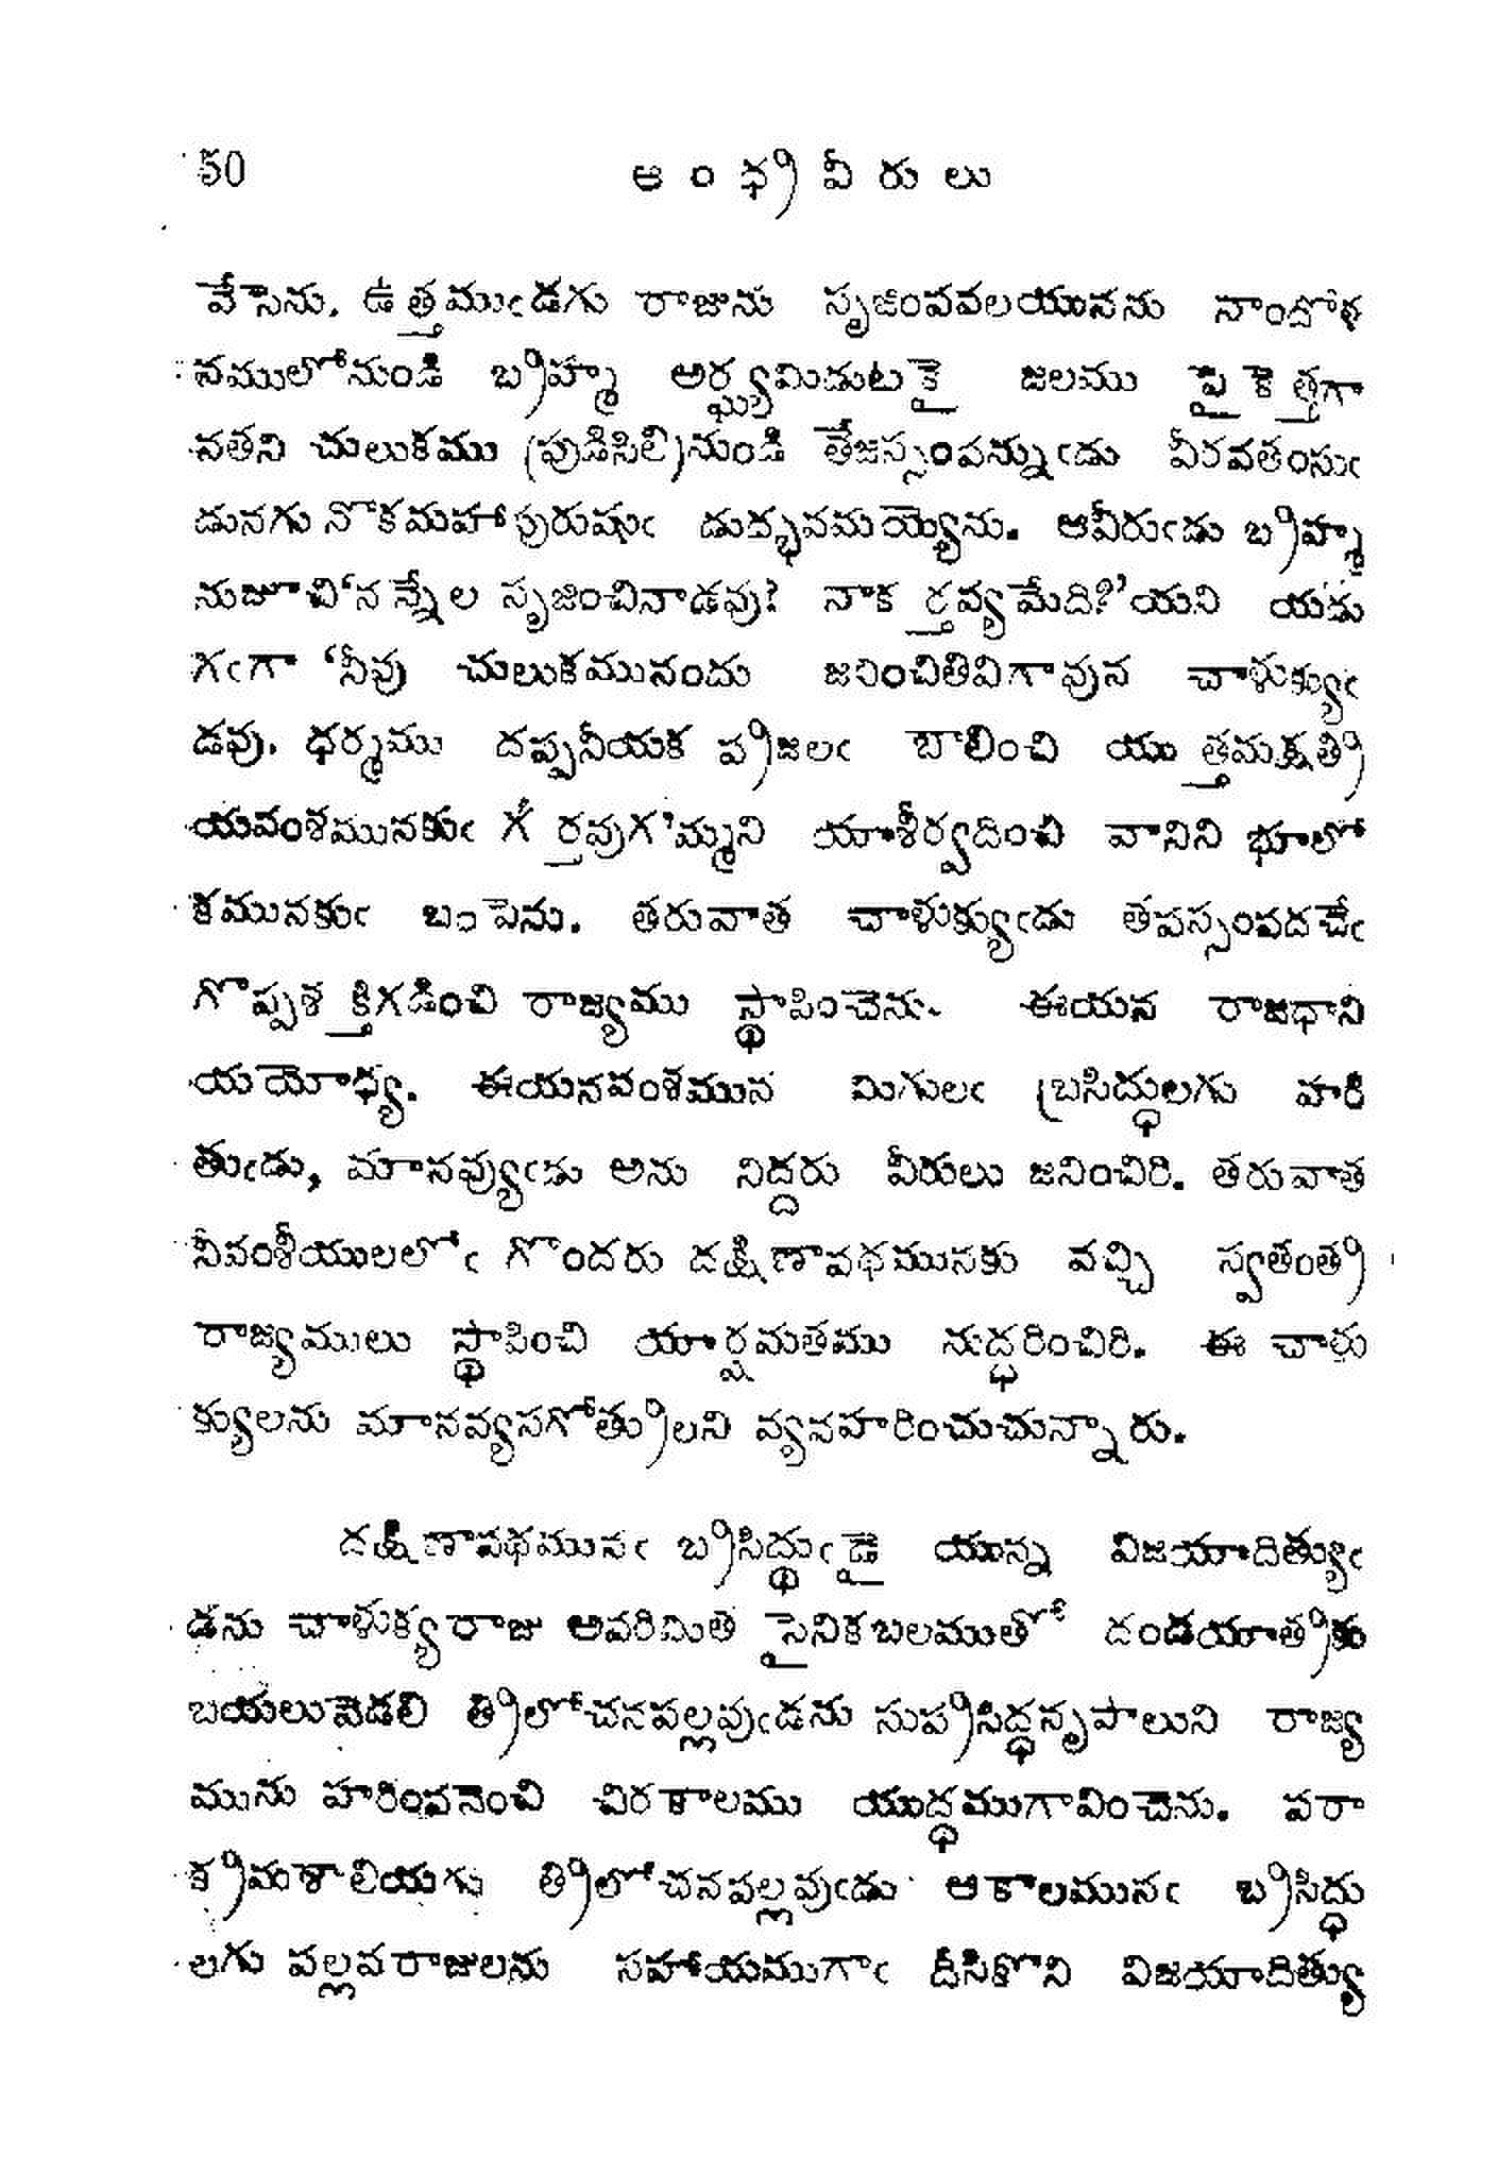వేసెను. ఉత్తముడగు రాజును సృజింపవలయునను నాందోళనములోనుండి బ్రహ్మ అర్ఘ్యమిడుటకై జలము పైకెత్తగా నతని చులుకము (పుడిసిలి) నుండి తేజస్సంపన్నుడు వీరవతంసుడునగు నొకమహాపురుషు డుద్భవమయ్యెను. ఆవీరుడు బ్రష్మనుజూచి 'నన్నేల సృజించినాడవు? నాకర్తవ్యమేది?యని యడుగగా 'నీవు చులుకమునందు జనించితివిగావున చాళుక్యుడవు. ధర్మము దప్పనీయక ప్రజల బాలించి యుత్తమక్షత్రియవంశమునకు గర్తవుగ'మ్మని యాశీర్వదించి వానిని భూలోకమునకు బంపెను. తరువాత చాళుక్యుడు తపస్సంపదచే గొప్పశక్తిగడించి రాజ్యము స్థాపించెను. ఈయన రాజధాని యయోధ్య. ఈయనవంశము మిగుల బ్రసిద్ధులగు హరితుడు, మానవ్యుడు అను నిద్దరు వీరులు జనించిరి. తరువాత నీవంశీయులలో గొందరు దక్షిణాపథమునకు వచ్చి స్వతంత్ర రాజ్యములు స్థాపించి యార్షమతము నుద్ధరించిరి. ఈ చాళుక్యులను మానవ్యసగోత్రులని వ్యవహరించుచున్నారు.

దక్షిణాపథమున బ్రసిద్ధుడై యున్న విజయాదిత్యుడను చాళుక్యరాజు అపరిమిత సైనికబలముతో దండయాత్రకు బయలువెడలి త్రిలోచనపల్లవుడను సుప్రసిద్ధనృపాలుని రాజ్యమును హరింపనెంచి చిరకాలము యుద్ధముగావించెను. పరాక్రమశాలియగు త్రిలోచనపల్లవుడు ఆకాలమున బ్రసిద్ధులగు పల్లవరాజులను సహాయముగా దీసికొని విజయాదిత్యు